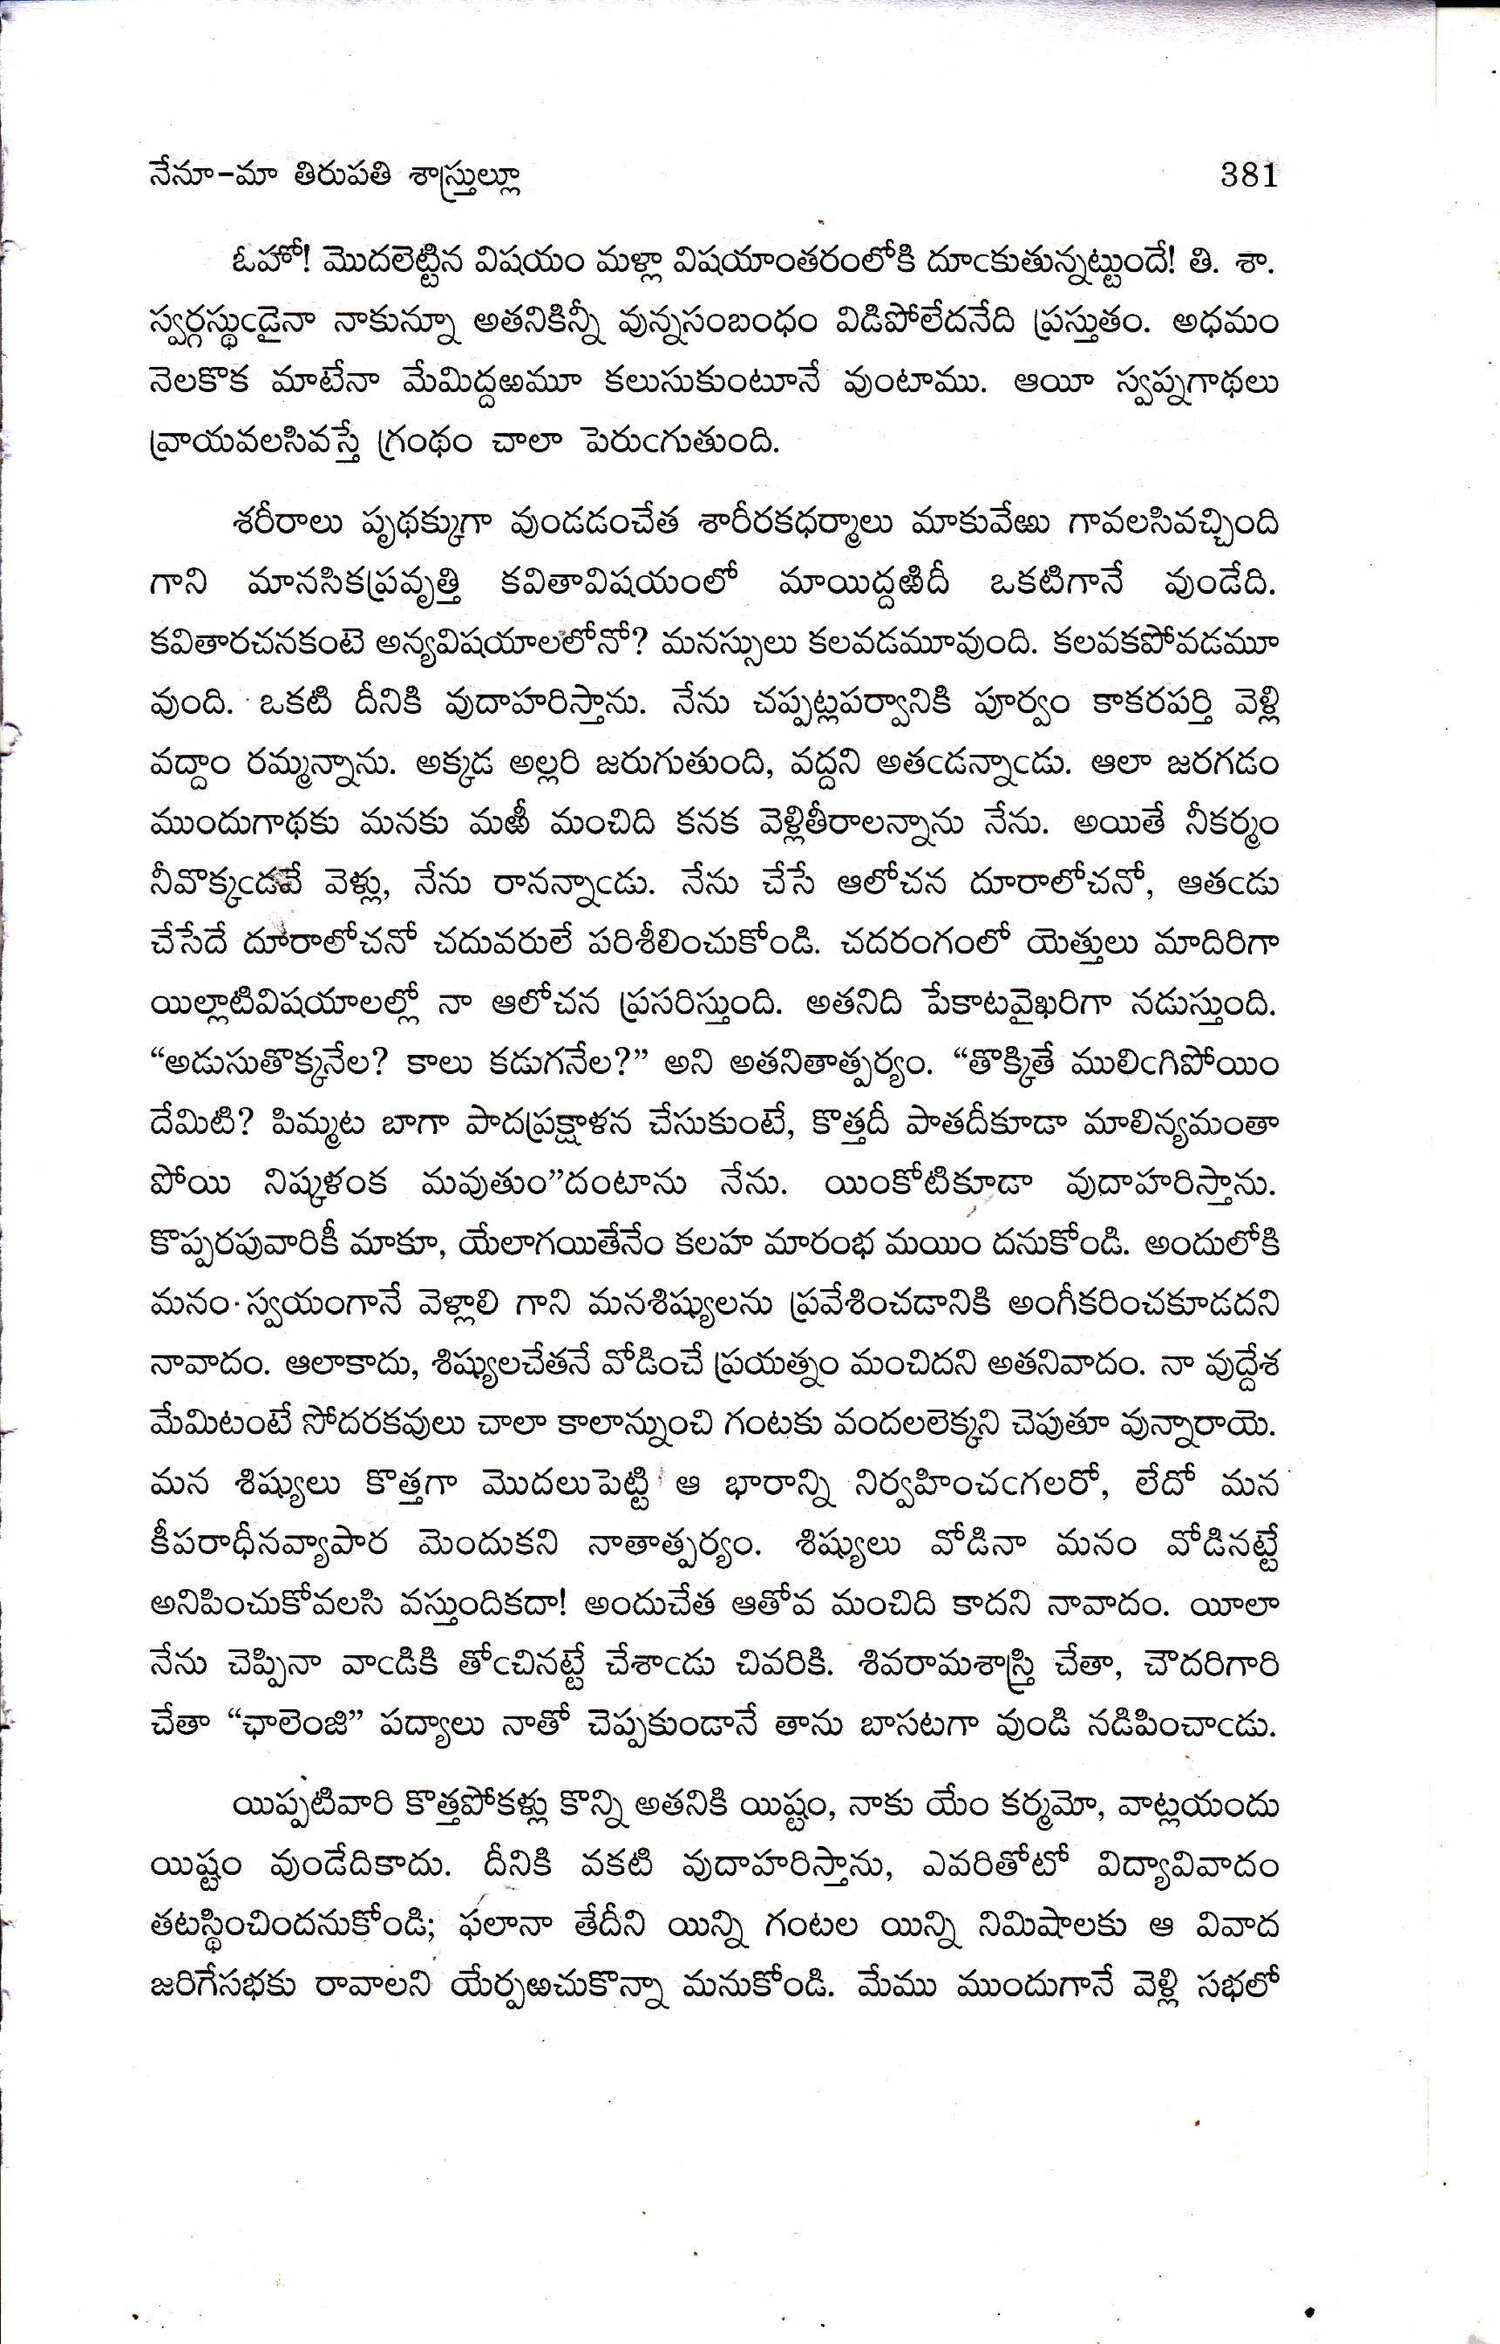ఓహో! మొదలెట్టిన విషయం మళ్లా విషయాంతరంలోకి దూఁకుతున్నట్టుందే! తి. శా. స్వర్గస్థుఁడైనా నాకున్నూ అతనికిన్నీ వున్నసంబంధం విడిపోలేదనేది ప్రస్తుతం. అధమం నెలకొక మాటేనా మేమిద్దఱమూ కలుసుకుంటూనే వుంటాము. ఆయీ స్వప్నగాథలు వ్రాయవలసివస్తే గ్రంథం చాలా పెరుంగుతుంది.

శరీరాలు పృథక్కుగా వుండడంచేత శారీరకధర్మాలు మాకువేఱు గావలసివచ్చింది గాని మానసికప్రవృత్తి కవితావిషయంలో మాయిద్దఱిదీ ఒకటిగానే వుండేది. కవితారచనకంటె అన్యవిషయాలలోనో? మనస్సులు కలవడమూవుంది. కలవకపోవడమూ వుంది. ఒకటి దీనికి వుదాహరిస్తాను. నేను చప్పట్లపర్వానికి పూర్వం కాకరపర్తి వెళ్లి వద్దాం రమ్మన్నాను. అక్కడ అల్లరి జరుగుతుంది, వద్దని అతఁడన్నాఁడు. ఆలా జరగడం ముందుగాథకు మనకు మఱీ మంచిది కనక వెళ్లితీరాలన్నాను నేను. అయితే నీకర్మం నీవొక్కఁడవే వెళ్లు, నేను రానన్నాఁడు. నేను చేసే ఆలోచన దూరాలోచనో, ఆతఁడు చేసేదే దూరాలోచనో చదువరులే పరిశీలించుకోండి. చదరంగంలో యెత్తులు మాదిరిగా యిల్లాటివిషయాలల్లో నా ఆలోచన ప్రసరిస్తుంది. అతనిది పేకాటవైఖరిగా నడుస్తుంది. “అడుసుతొక్కనేల? కాలు కడుగనేల?” అని అతనితాత్పర్యం. "తొక్కితే మలిఁగిపోయిం దేమిటి? పిమ్మట బాగా పాదప్రక్షాళన చేసుకుంటే, కొత్తదీ పాతదీకూడా మాలిన్యమంతా పోయి నిష్కళంక మవుతుం"దంటాను నేను. యింకోటికూడా వుదాహరిస్తాను. కొప్పరపువారికీ మాకూ, యేలాగయితేనేం కలహ మారంభ మయిం దనుకోండి. అందులోకి మనం స్వయంగానే వెళ్లాలి గాని మనశిష్యులను ప్రవేశించడానికి అంగీకరించకూడదని నావాదం. ఆలాకాదు, శిష్యులచేతనే వోడించే ప్రయత్నం మంచిదని అతనివాదం. నా వుద్దేశ మేమిటంటే సోదరకవులు చాలా కాలాన్నుంచి గంటకు వందలలెక్కని చెపుతూ వున్నారాయె. మన శిష్యులు కొత్తగా మొదలుపెట్టి ఆ భారాన్ని నిర్వహించంగలరో, లేదో మనకీపరాధీనవ్యాపార మెందుకని నాతాత్పర్యం. శిష్యులు వోడినా మనం వోడినట్టే అనిపించుకోవలసి వస్తుందికదా! అందుచేత ఆతోవ మంచిది కాదని నావాదం. యీలా నేను చెప్పినా వాఁడికి తోఁచినట్టే చేశాఁడు చివరికి. శివరామశాస్త్రి చేతా, చౌదరిగారి చేతా “ఛాలెంజి” పద్యాలు నాతో చెప్పకుండానే తాను బాసటగా వుండి నడిపించాఁడు.

యిప్పటివారి కొత్తపోకళ్లు కొన్ని అతనికి యిష్టం, నాకు యేం కర్మమో, వాట్లయందు యిష్టం వుండేదికాదు. దీనికి వకటి వుదాహరిస్తాను, ఎవరితోటో విద్యావివాదం తటస్థించిందనుకోండి; ఫలానా తేదీని యిన్ని గంటల యిన్ని నిమిషాలకు ఆ వివాద జరిగేసభకు రావాలని యేర్పఱచుకొన్నా మనుకోండి. మేము ముందుగానే వెళ్లి సభలో